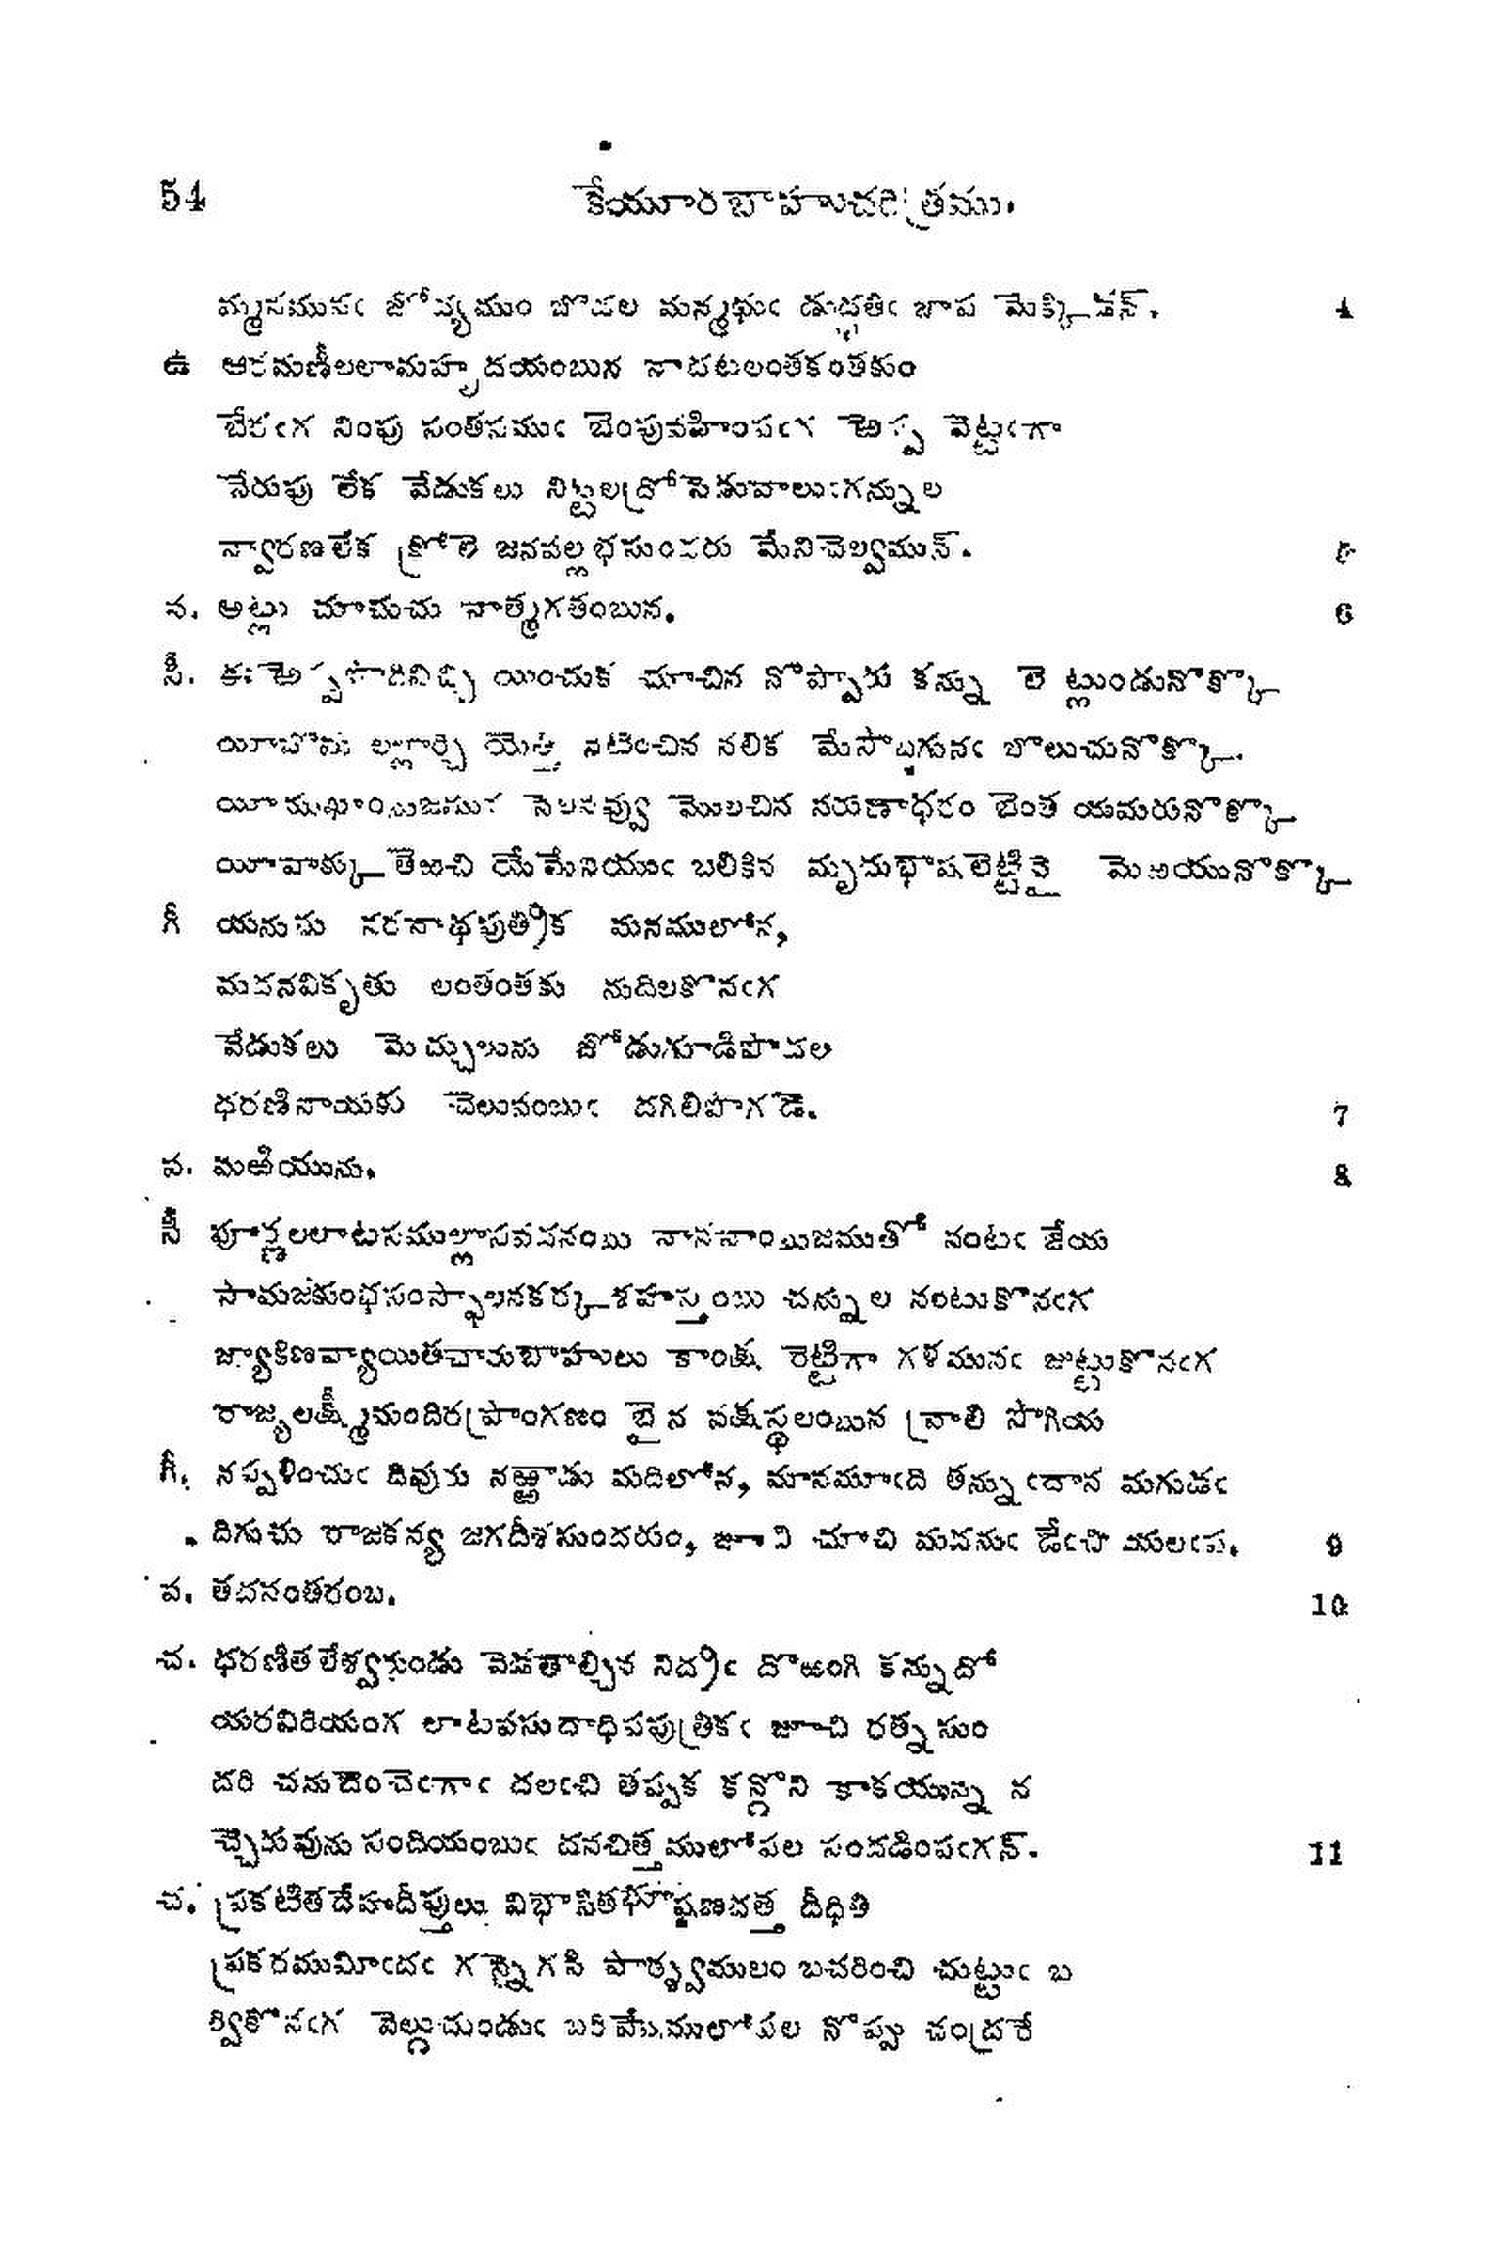మ్మనమునఁ జోద్యముం బొదల మన్మథుఁ డుద్ధతిఁ జాప మెక్కిడన్.
ఉ. ఆరమణీలలామ హృదయంబున నాదట లంతకంతకుం
 బేరఁగ నింపు సంతసముఁ బెంపువహింపఁగ ఱెప్ప వెట్టఁగా
 నేరుపు లేక వేడుకలు నిట్టలద్రోసెడువాలుఁగన్నుల
 న్వారణ లేక క్రోలె జనవల్లభసుందరు మేనిచెల్వమున్.
వ. అట్లు చూచుచు నాత్మగతంబున.
సీ. ఈఱెప్పపొది విచ్చి యించుక చూచిన నొప్పారు కన్ను లెట్లుండునొక్కొ
 యీబొమ లల్లార్చి యెత్తి నటించిన నలిక మేసొబగునఁ బొలుచునొక్కొ
 యీ ముఖాంబుజమున నెలనవ్వు మొలచిన నరుణాధరం బెంత యమరునొక్కొ
 యీవాక్కు తెఱచి యేమేనియుఁ బలికిన మృదుభాష లెట్టివై మెఱయునొక్కొ
గీ. యనుచు నరనాథపుత్రిక మనములోన
 మదనవికృతు లంతంతకు నుదిలకొనఁగ
 వేడుకలు మెచ్చులును జోడుగూడిపొదల
 ధరణినాయకు చెలువంబుఁ దగిలిపొగడె.
వ. మఱియును.
సీ. పూర్ణలలాటసముల్లాసవదనంబు నాననాంబుజముతో నంటఁ జేయ
 సామజకుంభసంస్ఫాలనకర్కశహస్తంబు చన్నుల నంటుకొనఁగ
 జ్యాకిణవ్యాయితచారుబాహులు కాంక్ష రెట్టిగా గళమునఁ జుట్టుకొనఁగ
 రాజ్యలక్ష్మీమందిరప్రాంగణం బైన వక్షస్థలంబున వ్రాలి సొగియ
గీ. నప్పళించుఁ దివురు నఱ్ఱాడు మదిలోన, మానమూఁది తన్నుఁదాన మగుడఁ
 దిగుచు రాజకన్య జగదీశసుందరుం, జూచి చూచి మదనుఁ డేఁచి యలఁప.
వ. తదనంతరంబ.
చ. ధరణీతలేశ్వరుండు వెడతాల్చిన నిద్రఁ దొఱంగి కన్నుదో
 యరవిరియంగ లాటవసుదాధిపపుత్రికఁ జూచి రత్నసుం
 దరి చనుదెంచెఁగాఁ దలఁచి తప్పక కన్గొని కాకయున్న న
 చ్చెరువును సందియంబుఁ దనచిత్తములోపల సందడింపఁగన్.
చ. ప్రకటితదేహదీప్తులు విభాసితభూషణదత్త దీధితి
 ప్రకరముమీఁదఁ గన్నెగసి పార్శ్వములం బచరించి చుట్టుఁ బ
 ర్వికొనఁగ వెల్గుచుండుఁ బరివేషములోపల నొప్పు చంద్రరే